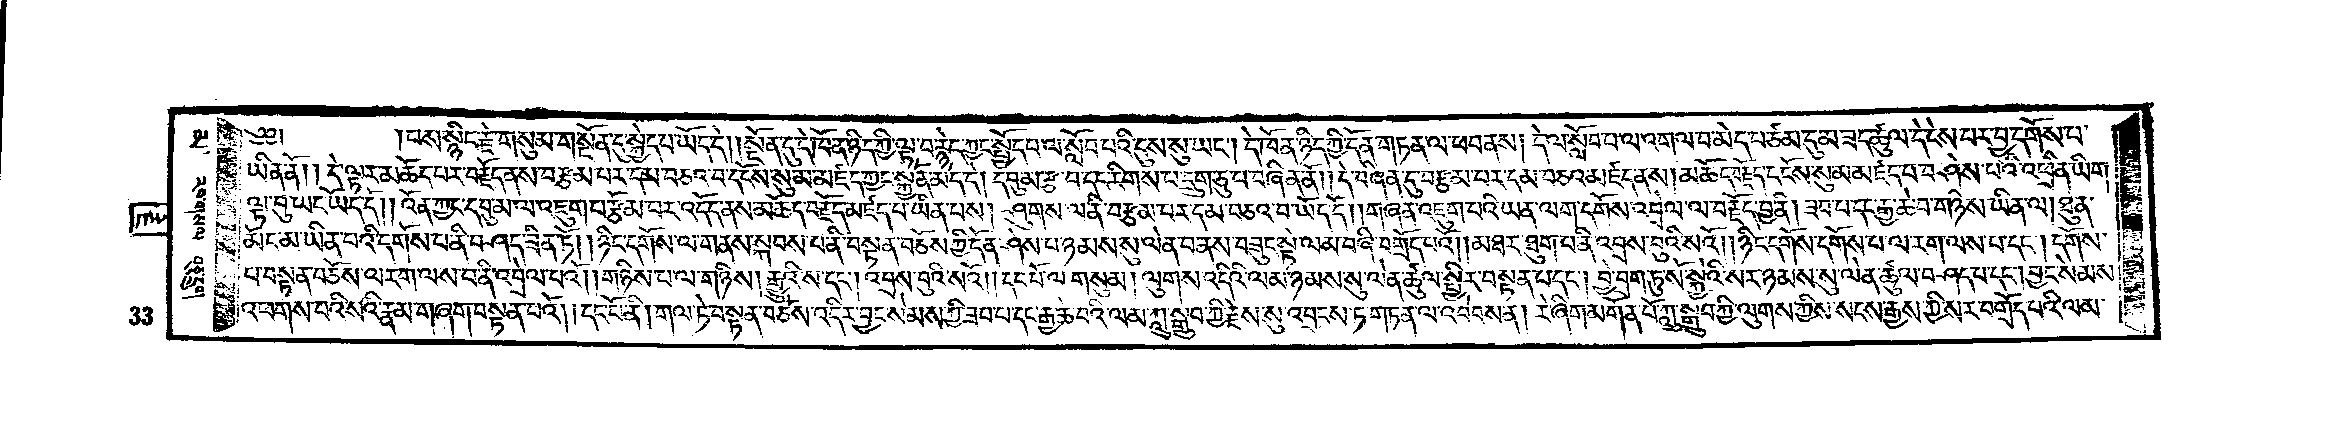༄༅། །བས་སྙིང་རྗེ་གསུམ་ག་སྔོན་དུ་སྐྱེད་པ་ཡོད་དོ། །སྔོན་དུ་དེ་ཁོ་ན་ཉིད་ཀྱི་ལྟ་བ་རྙེད་ཀྱང་སྤྱོད་པ་ལ་སློབ་པའི་དུས་སུ་ཡང་། དེ་ཁོ་ན་ཉིད་ཀྱི་དོན་གཏན་ལ་ཕབ་ནས། དེ་ལ་སློབ་པ་ལ་འགལ་བ་མེད་པ་ཙམ་དུ་མ་ཟད་ཚུལ་དེ་ངེས་པར་བྱ་དགོས་པ་
ཡིན་ནོ། །དེ་ལྟར་མཆོད་པར་བརྗོད་ནས་བརྩམ་པར་དམ་བཅའ་བ་དངོས་སུ་མ་མཛད་ཀྱང་སྐྱོན་མེད་དེ། དབུ་མ་རྩ་བ་དང་རིགས་པ་དྲུག་ཅུ་པ་བཞིན་ནོ། །དེ་བཞིན་དུ་བརྩམ་པར་དམ་བཅའ་མཛད་ནས། མཆོད་བརྗོད་དངོས་སུ་མ་མཛད་པ་བཤེས་པའི་འཕྲིན་ཡིག་
ལྟ་བུ་ཡང་ཡོད་དོ། །འོན་ཀྱང་དབུ་མ་ལ་འཇུག་པ་རྩོམ་པར་འདོད་ནས་མཆོད་བརྗོད་མཛད་པ་ཡིན་པས། ཤུགས་ལ་ནི་བརྩམ་པར་དམ་བཅའ་བ་ཡོད་དོ། །གཞན་འཇུག་པའི་ཡན་ལག་དགོས་འབྲེལ་ལ་བརྗོད་བྱ་ནི། ཟབ་པ་དང་རྒྱ་ཆེ་བ་གཉིས་ཡིན་ལ། ཐུན་
མོང་མ་ཡིན་པའི་དགོས་པ་ནི་བཤད་ཟིན་ཏོ། །ཉིད་དགོས་ལ་གནས་སྐབས་པ་ནི་བསྟན་བཅོས་ཀྱི་དོན་ཤེས་པ་ཉམས་སུ་ལེན་པ་ནས་བཟུང་སྟེ་ལམ་བཞི་བགྲོད་པའོ། །མཐར་ཐུག་པ་ནི་འབྲས་བུའི་སའོ། །ཉིད་དགོས་དགོས་པ་ལ་རག་ལས་པ་དང་། དགོས་
པ་བསྟན་བཅོས་ལ་རག་ལས་པ་ནི་འབྲེལ་བའོ། །གཉིས་པ་ལ་གཉིས། རྒྱུའི་ས་དང་། འབྲས་བུའི་སའོ། །དང་པོ་ལ་གསུམ། ལུགས་འདིའི་ལམ་ཉམས་སུ་ལེན་ཚུལ་སྤྱིར་བསྟན་པ་དང་། བྱེ་བྲག་ཏུ་སོ་སྐྱེའི་སར་ཉམས་སུ་ལེན་ཚུལ་བཤད་པ་དང་། བྱང་སེམས་
འཕགས་པའི་སའི་རྣམ་གཞག་བསྟན་པའོ། །དང་པོ་ནི། གལ་ཏེ་བསྟན་བཅོས་འདིར་བྱང་སེམས་ཀྱི་ཟབ་པ་དང་རྒྱ་ཆེ་བའི་ལམ་ཀླུ་སྒྲུབ་ཀྱི་རྗེས་སུ་འབྲངས་ཏེ་གཏན་ལ་འབེབས་ན། རེ་ཞིག་མགོན་པོ་ཀླུ་སྒྲུབ་ཀྱི་ལུགས་ཀྱིས་སངས་རྒྱས་ཀྱི་སར་བགྲོད་པའི་ལམ་